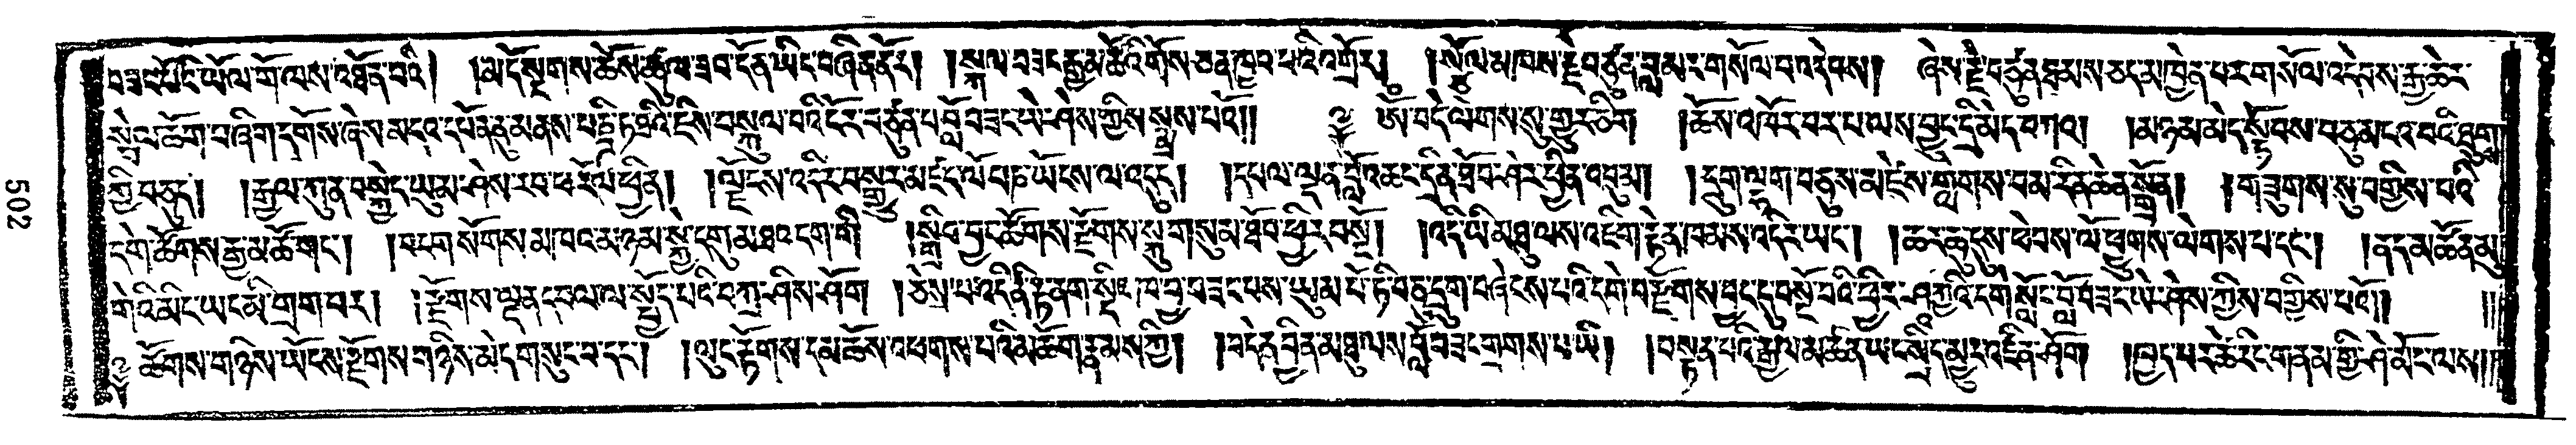བཟང་པོའི་ཡོལ་གོ་ལས་འཐོན་བའི། །མདོ་སྔགས་ཆོས་ཚུལ་ཟབ་དོན་ཡིད་བཞིན་ནོར། །སྐལ་བཟང་རྒྱ་མཚོའི་གོས་ཅན་ཁྱབ་པའི་འགྲོར། །སྩོལ་མཁས་རྗེ་བཙུན་བླ་མར་གསོལ་བ་འདེབས། ཞེས་རྗེ་བཙུན་ཐམས་ཅད་མཁྱེན་པར་གསོལ་འདེབས་རྒྱ་ཆེར་
སྤེལ་ཆོག་པ་ཞིག་དགོས་ཞེས་མདའ་དཔོན་ནུ་མ་ནས་པཎྜི་ཏ་ཐའི་ཇིས་བསྐུལ་བའི་ངོར་བཙུན་པ་བློ་བཟང་ཡེ་ཤེས་ཀྱིས་སྨྲས་པའོ། །༈ ཨོཾ་བདེ་ལེགས་སུ་གྱུར་ཅིག །ཆོས་འཁོར་བར་པ་ལས་བྱུང་དྲི་མེད་བཀའ། །མཉམ་མེད་སྟོབས་བཅུ་མངའ་བའི་ཐུགས་
ཀྱི་བཅུད། །རྒྱལ་ཀུན་བསྐྱེད་ཡུམ་ཤེས་རབ་ཕ་རོལ་ཕྱིན། །ལྗོངས་འདིར་བསྒྱུར་མཛད་ལོ་པཎ་ཡོངས་ལ་འདུད། །དཔལ་ལྡན་བློ་འཆང་དྲིན་ཐོབ་ཤེར་ཕྱིན་འབུམ། །དྲུག་ལྷག་བཅུས་མཛེས་གླེགས་བམ་རིན་ཆེན་སྒྲོན། །གཟུགས་སུ་བགྱིས་པའི་
དགེ་ཚོགས་རྒྱ་མཚོ་གང་། །བདག་སོགས་མཁའ་མཉམ་སྐྱེ་དགུ་མཐའ་དག་གི །སྒྲིབ་བྱང་ཚོགས་རྫོགས་སྐུ་གསུམ་ཐོབ་ཕྱིར་བསྔོ། །འདི་ཡི་མཐུ་ལས་འཇིག་རྟེན་ཁམས་འདིར་ཡང་། །ཆར་ཆུ་དུས་ཕེབས་ལོ་ཕྱུགས་ལེགས་པ་དང་། །ནད་མཚོན་མུ་
གེའི་མིང་ཡང་མི་གྲག་པར། །རྫོགས་ལྡན་དཔལ་ལ་སྤྱོད་པའི་བཀྲ་ཤིས་ཤོག །ཅེས་པ་འདི་ནི་རྟ་ནག་སྡིང་ཁ་བྱ་བཟང་པས་ཡུམ་པོ་ཏི་བཅུ་དྲུག་བཞེངས་པའི་དགེ་བ་རྫོགས་བྱང་དུ་བསྔོ་བའི་ཕྱིར་ཤཱཀྱའི་དགེ་སློང་བློ་བཟང་ཡེ་ཤེས་ཀྱིས་བགྱིས་པའོ།། །།
༈ ཚོགས་གཉིས་ཡོངས་རྫོགས་གཉིས་མེད་གསུང་བ་དང་། །ལུང་རྟོགས་དམ་ཆོས་འཕགས་པའི་མཆོག་རྣམས་ཀྱི། །བདེན་བྱིན་མཐུ་ལས་བློ་བཟང་གྲགས་པ་ཡི། །བསྟན་པའི་རྒྱལ་མཚན་ཡང་སྲིད་མྱུར་འཛིན་ཤོག །ཁྱད་པར་ཚེ་རིང་གནམ་གྱི་ཤེ་མོང་ལས།།